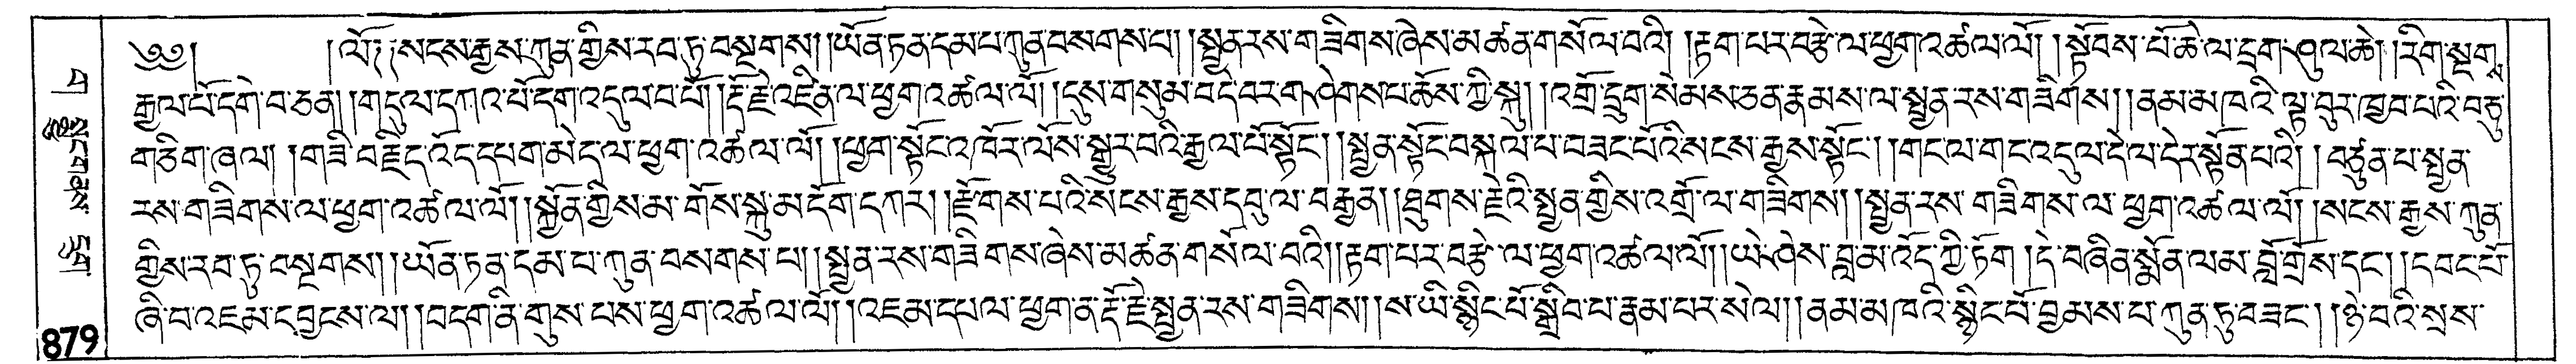༄༅། །ལོ༑ ༑སངས་རྒྱས་ཀུན་གྱིས་རབ་ཏུ་བསྔགས། །ཡོན་ཏན་དམ་པ་ཀུན་བསགས་པ། །སྤྱན་རས་གཟིགས་ཞེས་མཚན་གསོལ་བའི། །རྟག་པར་བརྩེ་ལ་ཕྱག་འཚལ་ལོ། །སྟོབས་པོ་ཆེ་ལ་དྲག་ཤུལ་ཆེ། །རིག་སྔགས་
རྒྱལ་པོ་དགེ་བ་ཅན། །གདུལ་དཀའ་པོ་དག་འདུལ་བ་པོ། །རྡོ་རྗེ་འཛིན་ལ་ཕྱག་འཚལ་ལོ། །དུས་གསུམ་བདེ་བར་གཤེགས་པ་ཆོས་ཀྱི་སྐུ། །འགྲོ་དྲུག་སེམས་ཅན་རྣམས་ལ་སྤྱན་རས་གཟིགས། །ནམ་མཁའི་ལྟ་བུར་ཁྱབ་པའི་བཅུ་
གཅིག་ཞལ། །གཟི་བརྗིད་འོད་དཔག་མེད་ལ་ཕྱག་འཚལ་ལོ། །ཕྱག་སྟོང་འཁོར་ལོས་སྒྱུར་བའི་རྒྱལ་པོ་སྟོང་། །སྤྱན་སྟོང་བསྐལ་པ་བཟང་པོའི་སངས་རྒྱས་སྟོང་། །གང་ལ་གང་འདུལ་དེ་ལ་དེར་སྟོན་པའི། །བཙུན་པ་སྤྱན་
རས་གཟིགས་ལ་ཕྱག་འཚལ་ལོ། །སྐྱོན་གྱིས་མ་གོས་སྐུ་མདོག་དཀར། །རྫོགས་པའི་སངས་རྒྱས་དབུ་ལ་བརྒྱན། །ཐུགས་རྗེའི་སྤྱན་གྱིས་འགྲོ་ལ་གཟིགས། །སྤྱན་རས་གཟིགས་ལ་ཕྱག་འཚལ་ལོ། །སངས་རྒྱས་ཀུན་
གྱིས་རབ་ཏུ་བསྔགས། །ཡོན་ཏན་དམ་པ་ཀུན་བསགས་པ། །སྤྱན་རས་གཟིགས་ཞེས་མཚན་གསོལ་བའི། །རྟག་པར་བརྩེ་ལ་ཕྱག་འཚལ་ལོ། །ཡེ་ཤེས་བླ་མ་འོད་ཀྱི་ཏོག །དེ་བཞིན་སྨོན་ལམ་བློ་གྲོས་དང་། །དབང་པོ་
ཞི་བ་འཇམ་དབྱངས་ལ། །བདག་ནི་གུས་པས་ཕྱག་འཚལ་ལོ། །འཇམ་དཔལ་ཕྱག་ན་རྡོ་རྗེ་སྤྱན་རས་གཟིགས། །ས་ཡི་སྙིང་པོ་སྒྲིབ་པ་རྣམ་པར་སེལ། །ནམ་མཁའི་སྙིང་པོ་བྱམས་པ་ཀུན་ཏུ་བཟང་། །ཉེ་བའི་སྲས་